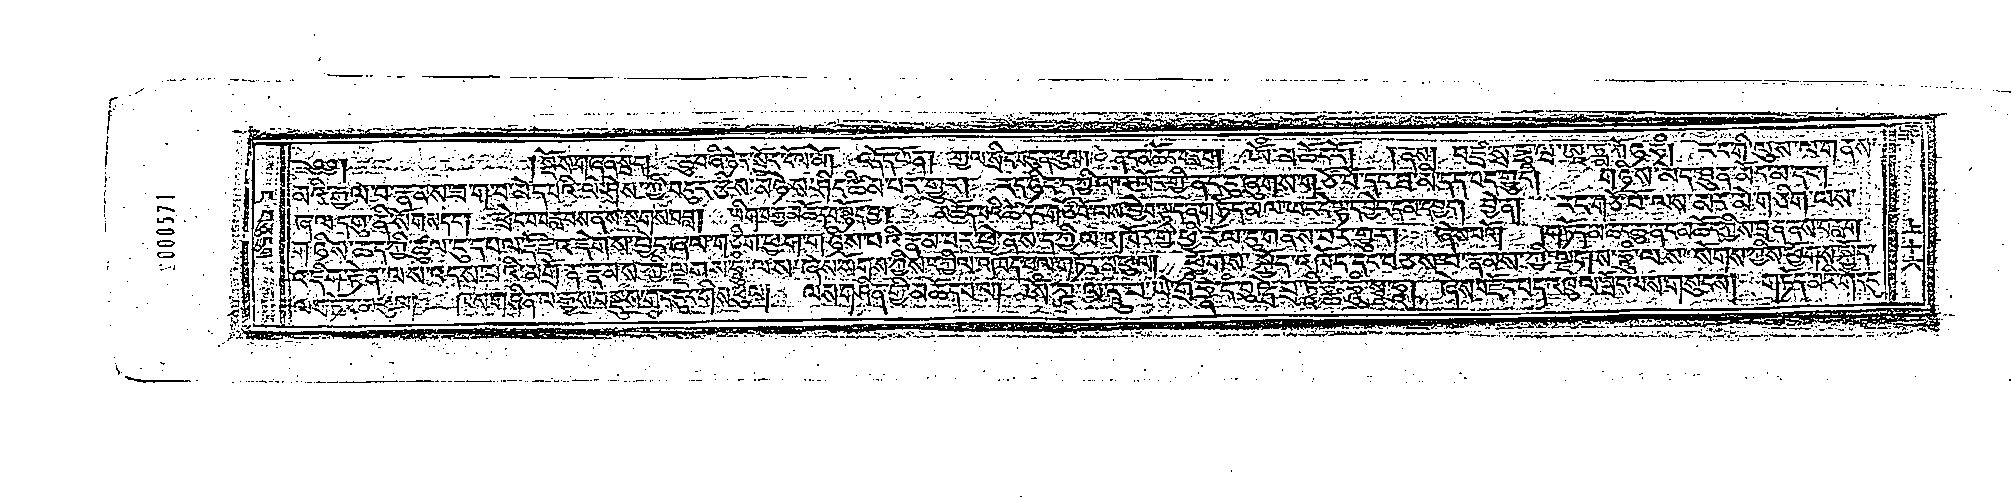༄༅། །སྔོས་གཞན་སྦར། ཆུ་བཞི་ཉེར་སྦྱོད་རོལ་མོ། འདོད་ཡོན། རྒྱལ་སྲིད་བདུན་ཕུལ། ནང་མཆོད་བརླབ། ཨོཾ་མཆོད་དོ། །ནས། བཛྲ་སྭ་བྷཱ་ཝ་ཨཱཏྨ་ཀོཉྷཾ། རང་གི་ལུས་ལ་གནས་
མའི་རྒྱལ་བ་རྣམས་ཟག་བ་མེད་པའི་ཡེ་ཤེས་ཀྱི་བདུད་རྩིས་མཉེས་ཤིང་ཚིམ་པར་གྱུར། རང་ཉིད་དཀྱིལ་འཁོར་གྱི་ནང་དུ་ཞུགས་གཙོ་བོ་དང་ཐ་མི་དད་པར་གྱུར། གཉིས་མེད་ཐུན་མོང་མ་དང་།
ཞལ་དགུ་ནི་སོགས་དང་། ཕྲེང་བ་བརླབས་ནས་སྔགས་བཟླ། ཡིག་བརྒྱ་མཆོད་བསྟོད་བྱ། མཆོད་པའི་ཚེ་དང་གཙོ་བོ་ལས་བྱེ་བ་ལྟར་ན་གཏོར་མ་ལ་ཡང་དེ་ལྟར་བྱེད་དམ་དབྱད། བྱེ་ན། རང་གཙོ་བོ་ལས་མར་མེ་གཅིག་ལས་
གཉིས་ཆད་ཀྱི་ཚུལ་དུ་དཔལ་རྡོ་རྗེ་འཇིགས་བྱེད་ཞལ་གཅིག་ཕྱག་གཉིས་པའི་རྣམ་པར་ཕྱེ་ནས་དཀྱིལ་འཁོར་གྱི་ཕྱི་རོལ་དུ་གནས་བར་གྱུར། ཞེས་པའོ། །གཏོར་མ་ཆང་ཆུ་ནང་མཆོད་ཀྱིས་བྲན་ནས་བརླབ།
འཇིག་རྟེན་ལས་འདས་པའི་མགྲོན་རྣམས་ཀྱི་ལྗགས་ཧཱུཾ་ལས་ཞེས་སོགས་ཀྱིས་དཀྱིལ་འཁོར་པ་ལ་གཏོར་མ་ཕུལ། ཕྱོགས་སྐྱོང་འཁོར་དང་བཅས་པ་རྣམས་ཀྱི་ལྗགས་ཧཱུཾ་ལས་སོགས་ཀྱིས་ཕྱོགས་སྐྱོད་
ལ་གཏོར་མ་ཕུལ། ལས་གཤིན་ལ་རྒྱས་བསྡུས་གང་རུང་གིས་ཕུལ། ལས་གཤིན་གྱི་མཆོད་པ་ལ། ཨོཾ་ཀཱ་ལ་རཱུ་པ་ཡེ་གྲྀཏྣེ་དཾ་པུཥྤེ་པྲ་ཏཱིཙྪ་ཧཱུཾ་སྭཱཧཱ། ཞེས་བརྗོད་པར་འཁྲུལ་སྤོད་ལས་གསུངས། གཏོར་མའི་གོང་དུ་